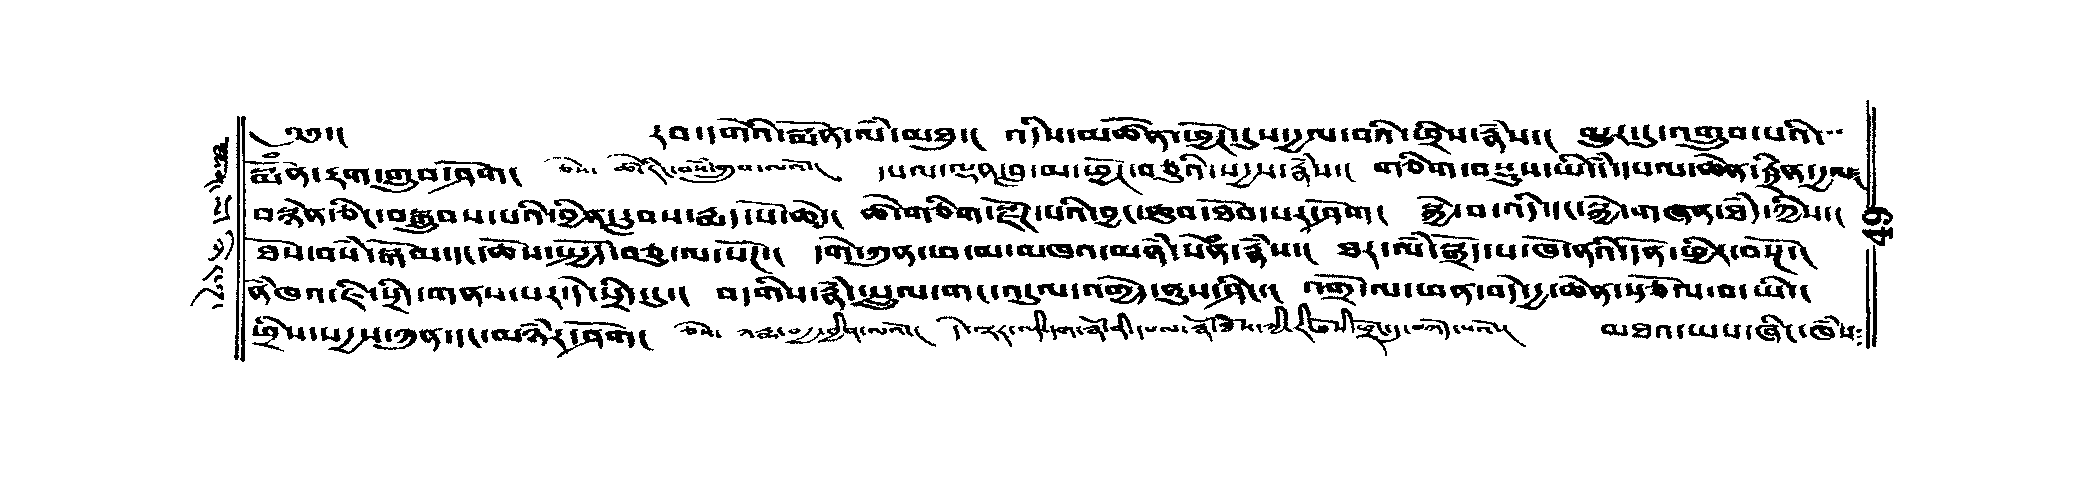རབ་དགེའི་སྨོན་ལམ་མཐུ། །འདིས་མཚོན་ཕྱོགས་དུས་རྒྱལ་བའི་ཕྲིན་ལས་རྣམས། །མྱུར་དུ་འགྲུབ་པའི་
སྨོན་ལམ་རྟག་གྲུབ་ཤོག ཅེས་ཚེ་རིང་བསམ་གྲུབ་ལའོ།། དཔལ་ལྡན་བླ་མ་ཕྱོགས་བཅུའི་སངས་རྒྱས་རྣམས། །གཅིག་བསྡུས་ཡི་དམ་དཔལ་ཆེན་རྟ་མགྲིན་རྒྱལ། །
བསྙེན་ཅིང་བསྒྲུབས་པའི་བྱིན་རླབས་རྨད་པོ་ཆེ། །ཚེ་གཅིག་རྫོགས་པའི་བྱང་ཆུབ་ཐོབ་པར་ཤོག །སྐྱེ་བ་འདི་དང་སྐྱེ་གཞན་ཐམས་ཅད་ཀྱིས། །
ཐོས་བསམ་སྒོམ་དང་ཆོས་སྤྱོད་བཅུ་ལ་སོགས། །དགེ་ཀུན་ཕ་མ་མཁའ་མཉམ་སེམས་ཅན་རྣམས། །ཐར་ལམ་སྒྲོད་པ་ཁོ་ནའི་དོན་ཕྱིར་བསྔོ། །
ནམ་མཁའ་ཇི་སྲིད་གནས་པར་དེ་སྲིད་དུ། །བདག་གིས་རྣམ་སྤྲུལ་གང་འདུལ་འགྱེད་ནུས་ཤིང་། །འགྲོ་ལ་ཕན་བདེ་རྒྱ་ཆེན་སྩོལ་བ་ཡི། 
ཕྲིན་ལས་སངས་རྒྱས་ཀུན་དང་མཉམ་པར་ཤོག ཅེས་ཀརྨ་བརྒྱ་བྱིན་ལའོ།། དེ་ལྟར་འདི་དག་ནི་དཔལ་རྣམ་ཐོས་ཀྱི་རི་བོའི་ཕོ་བྲང་དུ་བཀོད་པའོ།། མཐའ་ཡས་ཞིང་ཁམས་